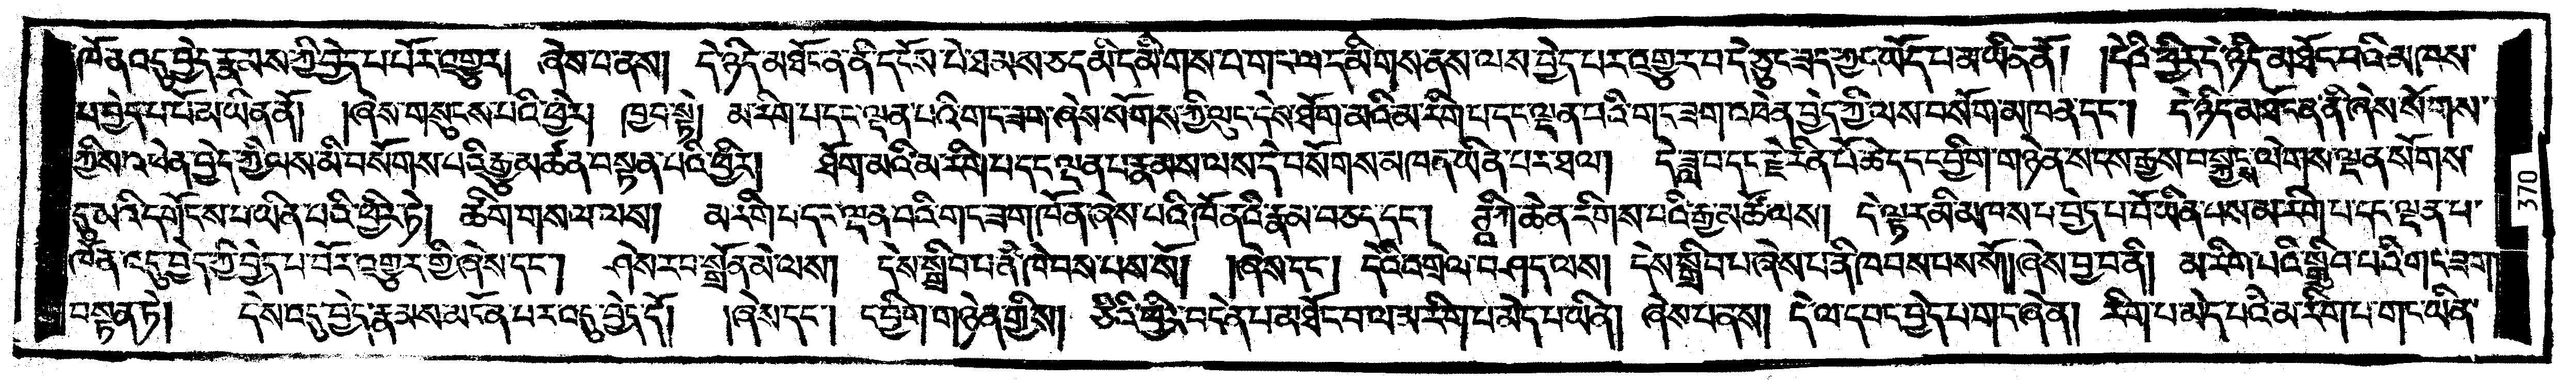ཁོ་ན་འདུ་བྱེད་རྣམས་ཀྱི་བྱེད་པ་པོར་འགྱུར། ཞེས་པ་ནས། དེ་ཉིད་མཐོང་ན་ནི་དངོས་པོ་ཐམས་ཅད་མི་དམིགས་པ་གང་ལ་དམིགས་ནས་ལས་བྱེད་པར་འགྱུར་བ་དེ་ཅུང་ཟད་ཀྱང་ཡོད་པ་མ་ཡིན་ནོ། །དེའི་ཕྱིར་དེ་ཉིད་མཐོང་བའི་མཁས་
པ་བྱེད་པ་པོ་མ་ཡིན་ནོ། །ཞེས་གསུངས་པའི་ཕྱིར། ཁྱབ་སྟེ། མ་རིག་པ་དང་ལྡན་པའི་གང་ཟག་ཞེས་སོགས་ཀྱི་ལུང་དེས་ཐོག་མའི་མ་རིག་པ་དང་ལྡན་པའི་གང་ཟག་འཕེན་བྱེད་ཀྱི་ལས་བསོག་མཁན་དང་། དེ་ཉིད་མཐོང་ན་ནི་ཞེས་སོགས་
ཀྱིས་འཕེན་བྱེད་ཀྱི་ལས་མི་བསོགས་པའི་རྒྱུ་མཚན་བསྟན་པའི་ཕྱིར། ཐོག་མའི་མ་རིག་པ་དང་ལྡན་པ་རྣམས་ལས་དེ་བསོགས་མཁན་ཡིན་པར་ཐལ། དེ་ཟླ་བ་དང་རྗེ་རིན་པོ་ཆེ་དང་དབྱིག་གཉེན་སངས་རྒྱས་བསྐྱངས་ལེགས་ལྡན་སོགས་
དུ་མའི་དགོངས་པ་ཡིན་པའི་ཕྱིར་ཏེ། ཚིག་གསལ་ལས། མ་རིག་པ་དང་ལྡན་པའི་གང་ཟག་ཁོ་ན་ཞེས་པའི་ཁོ་ནའི་རྣམ་བཅད་དང་། ཊཱིཀ་ཆེན་རིགས་པའི་རྒྱ་མཚོ་ལས། དེ་ལྟར་མི་མཁས་པ་བྱེད་པ་པོ་ཡིན་པས་མ་རིག་པ་དང་ལྡན་པ་
ཁོ་ན་འདུ་བྱེད་ཀྱི་བྱེད་པ་བོར་འགྱུར་གྱི་ཞེས་དང་། ཤེས་རབ་སྒྲོན་མེ་ལས། དེས་སྒྲིབ་པ་ནི་ཁེབས་པས་སོ། །ཞེས་དང་། དེའི་འགྲེལ་བཤད་ལས། དེས་སྒྲིབ་པ་ཞེས་པ་ནི་ཁབས་པས་སོ། །ཞེས་བྱ་བ་ནི། མ་རིག་པའི་སྒྲིབ་པའི་གང་ཟག་
བསྟན་ཏེ། དེས་འདུ་བྱེད་རྣམས་མངོན་པར་འདུ་བྱེད་དོ། །ཞེས་དང་། དབྱིག་གཉེན་གྱིས། ཅིའི་ཕྱིར་བདེན་པ་མཐོང་བ་ལམ་རིག་པ་མེད་པ་ཡིན། ཞེས་པ་ནས། དེ་ལ་དབང་བྱེད་པ་གང་ཞེ་ན། རིག་པ་མེད་པའི་མ་རིག་པ་གང་ཡིན་